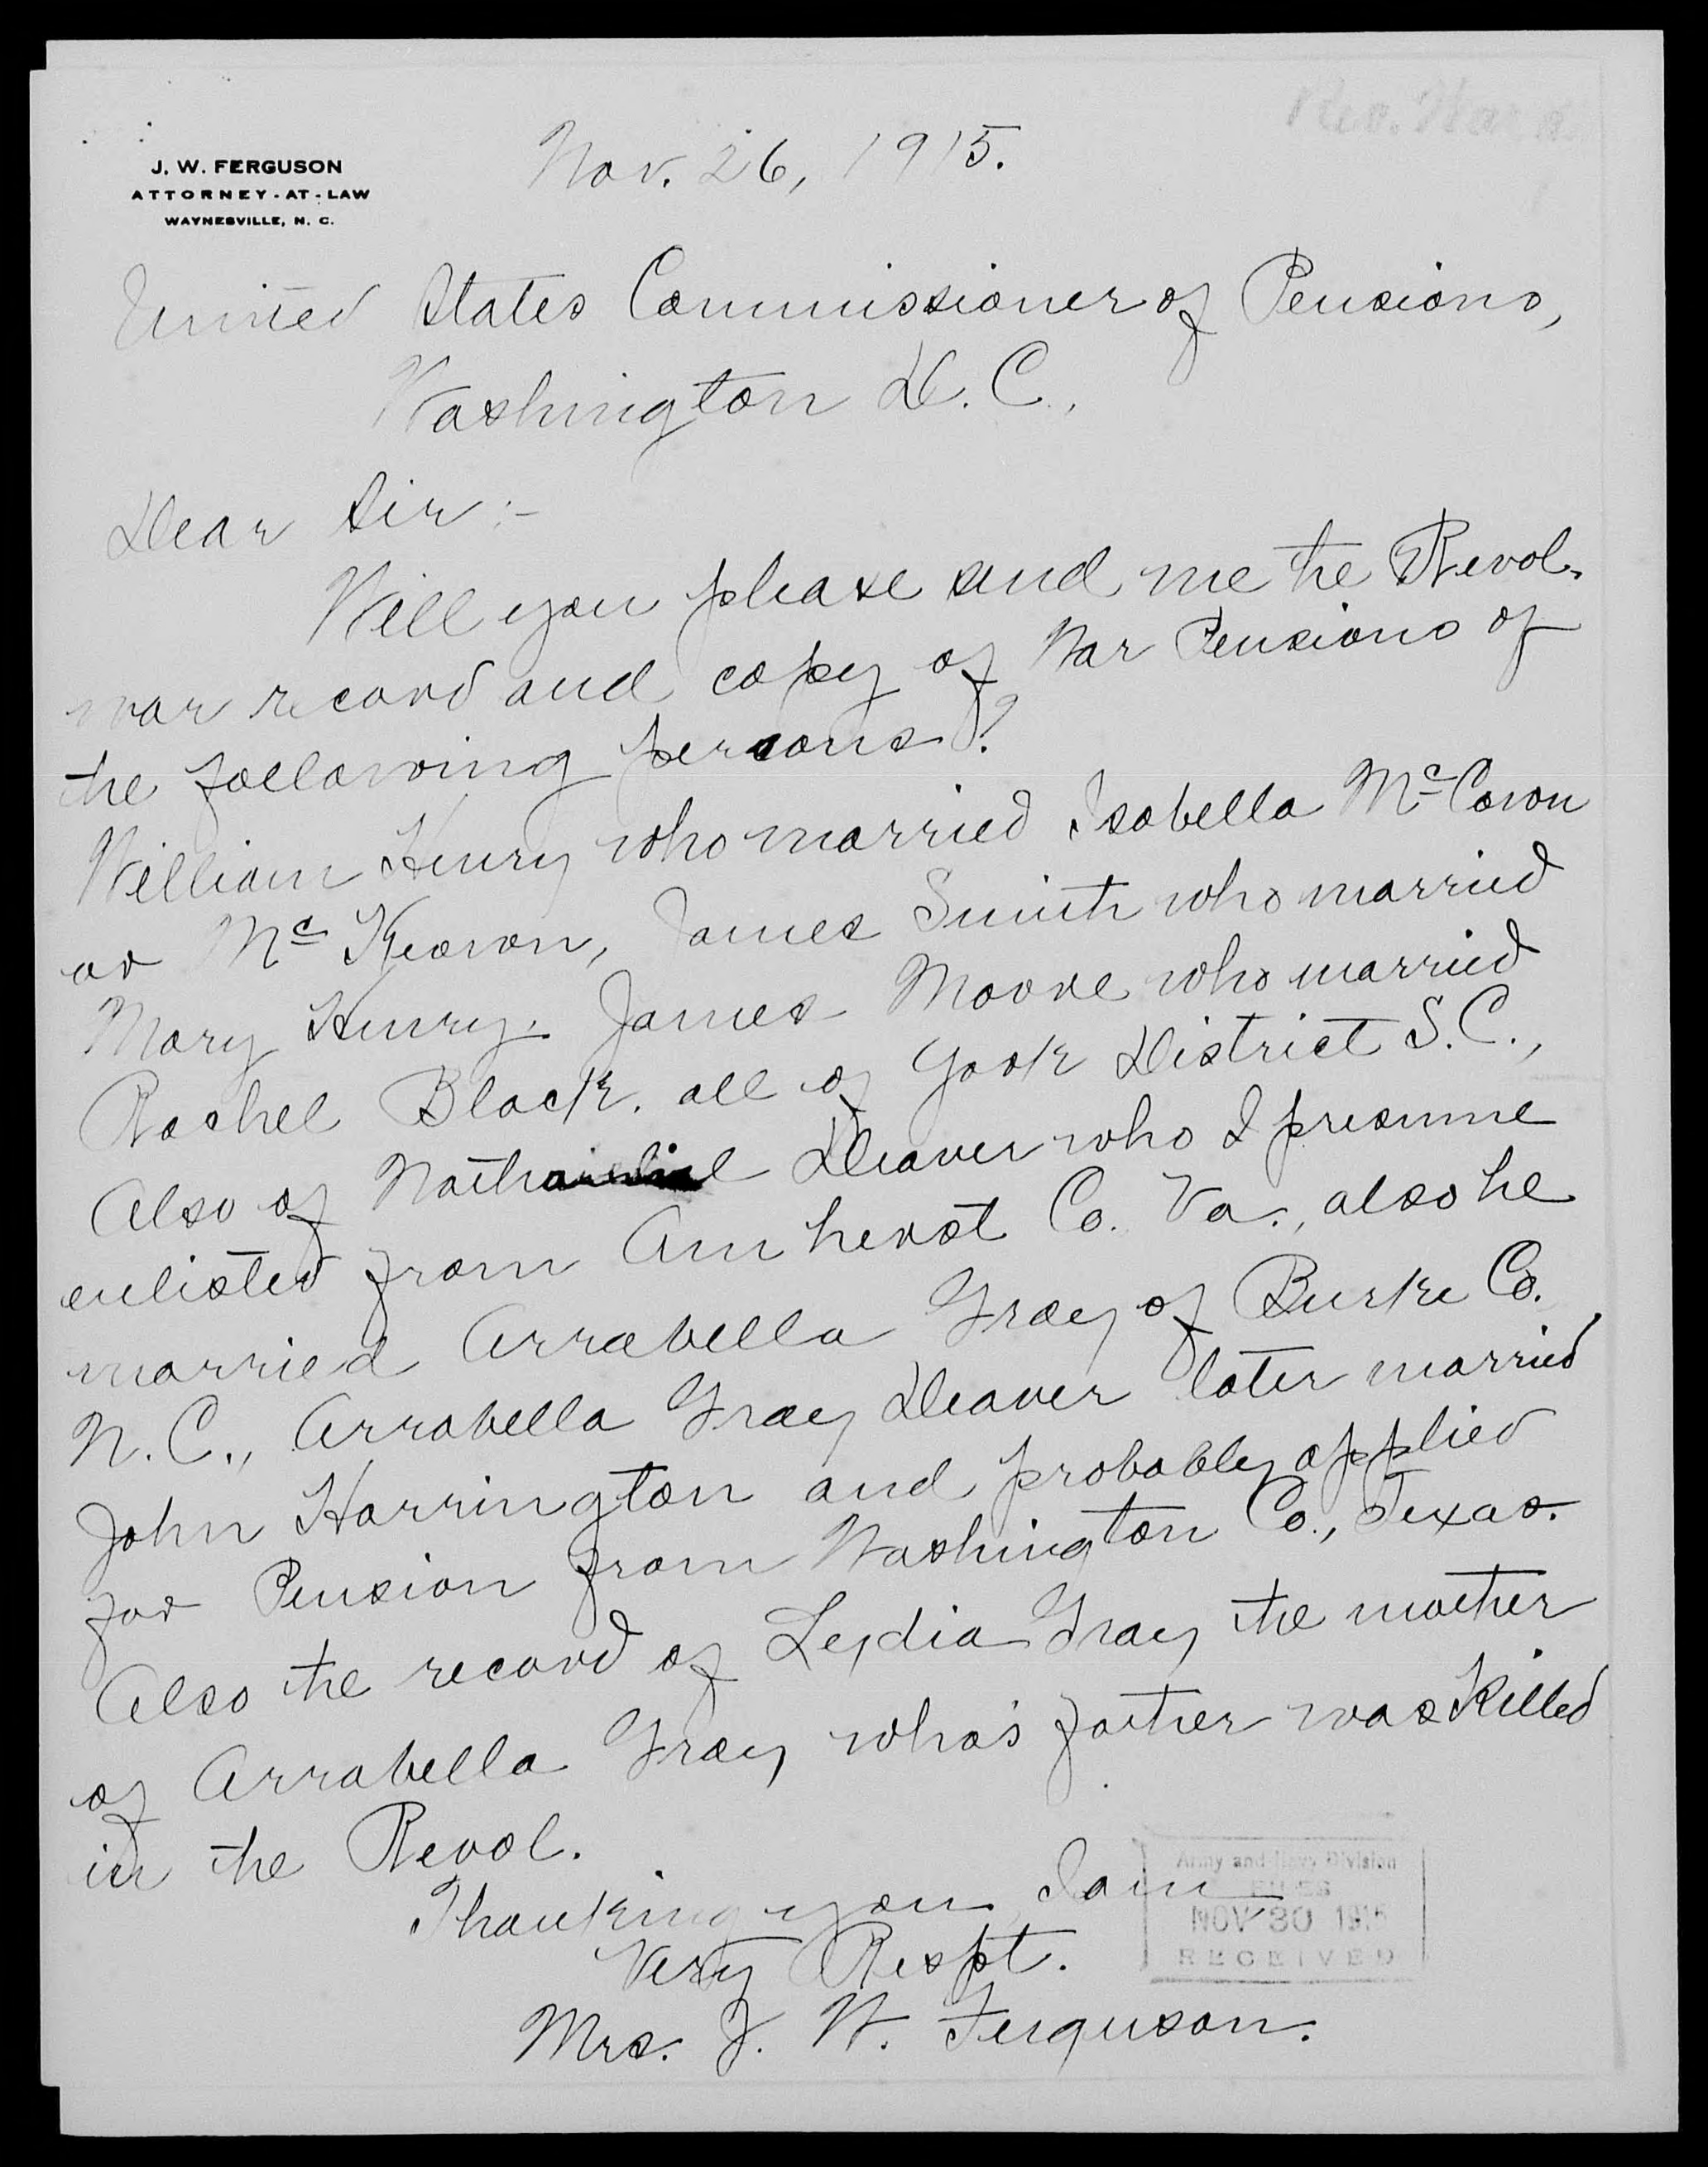Rev War
JW FERGUSON
ATTORNEY AT LAW
WAYNESVILLE NC
Nov 26 1915
United States Commissioner of Pensions
Washington DC
Dear sir
Will you please send me the Revolutionary war record and copy of War pensions of the following persons? 
William Henry who married Isabella McCaron or McKeoron, James Smith who married Mary Henry, James Moore who married Rachel Black all of York District SC, Also of Nathaniel Deaver who I presume enlisted from Ann henot Co Va also he married Arrabella Gray of Burke Co NC Arrabella Gray Deaver later married John Harrington and probably applied for pension from Washington Co, Texas. Also the record of Lydia Gray the mother of Arrabella Gray who's father was killed in the Revol.
Thanking you I am
very respt
Mrs JW Fergusan

[stamped 
Army and Navy Division
FILES
NOV 30 1915
RECEIVED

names: John Harrington; Arrabella Gray Deaver; Rachel Black; James Moore; Arrabella Gray; Isabella Mc Keown; Isabella Mc Cown; Mary Henry; James Smith; Nathaniel Deaver; William Henry; Lydia Gray; J W Ferguson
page: 9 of 17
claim: rejected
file: R 7329, for James More, South Carolina